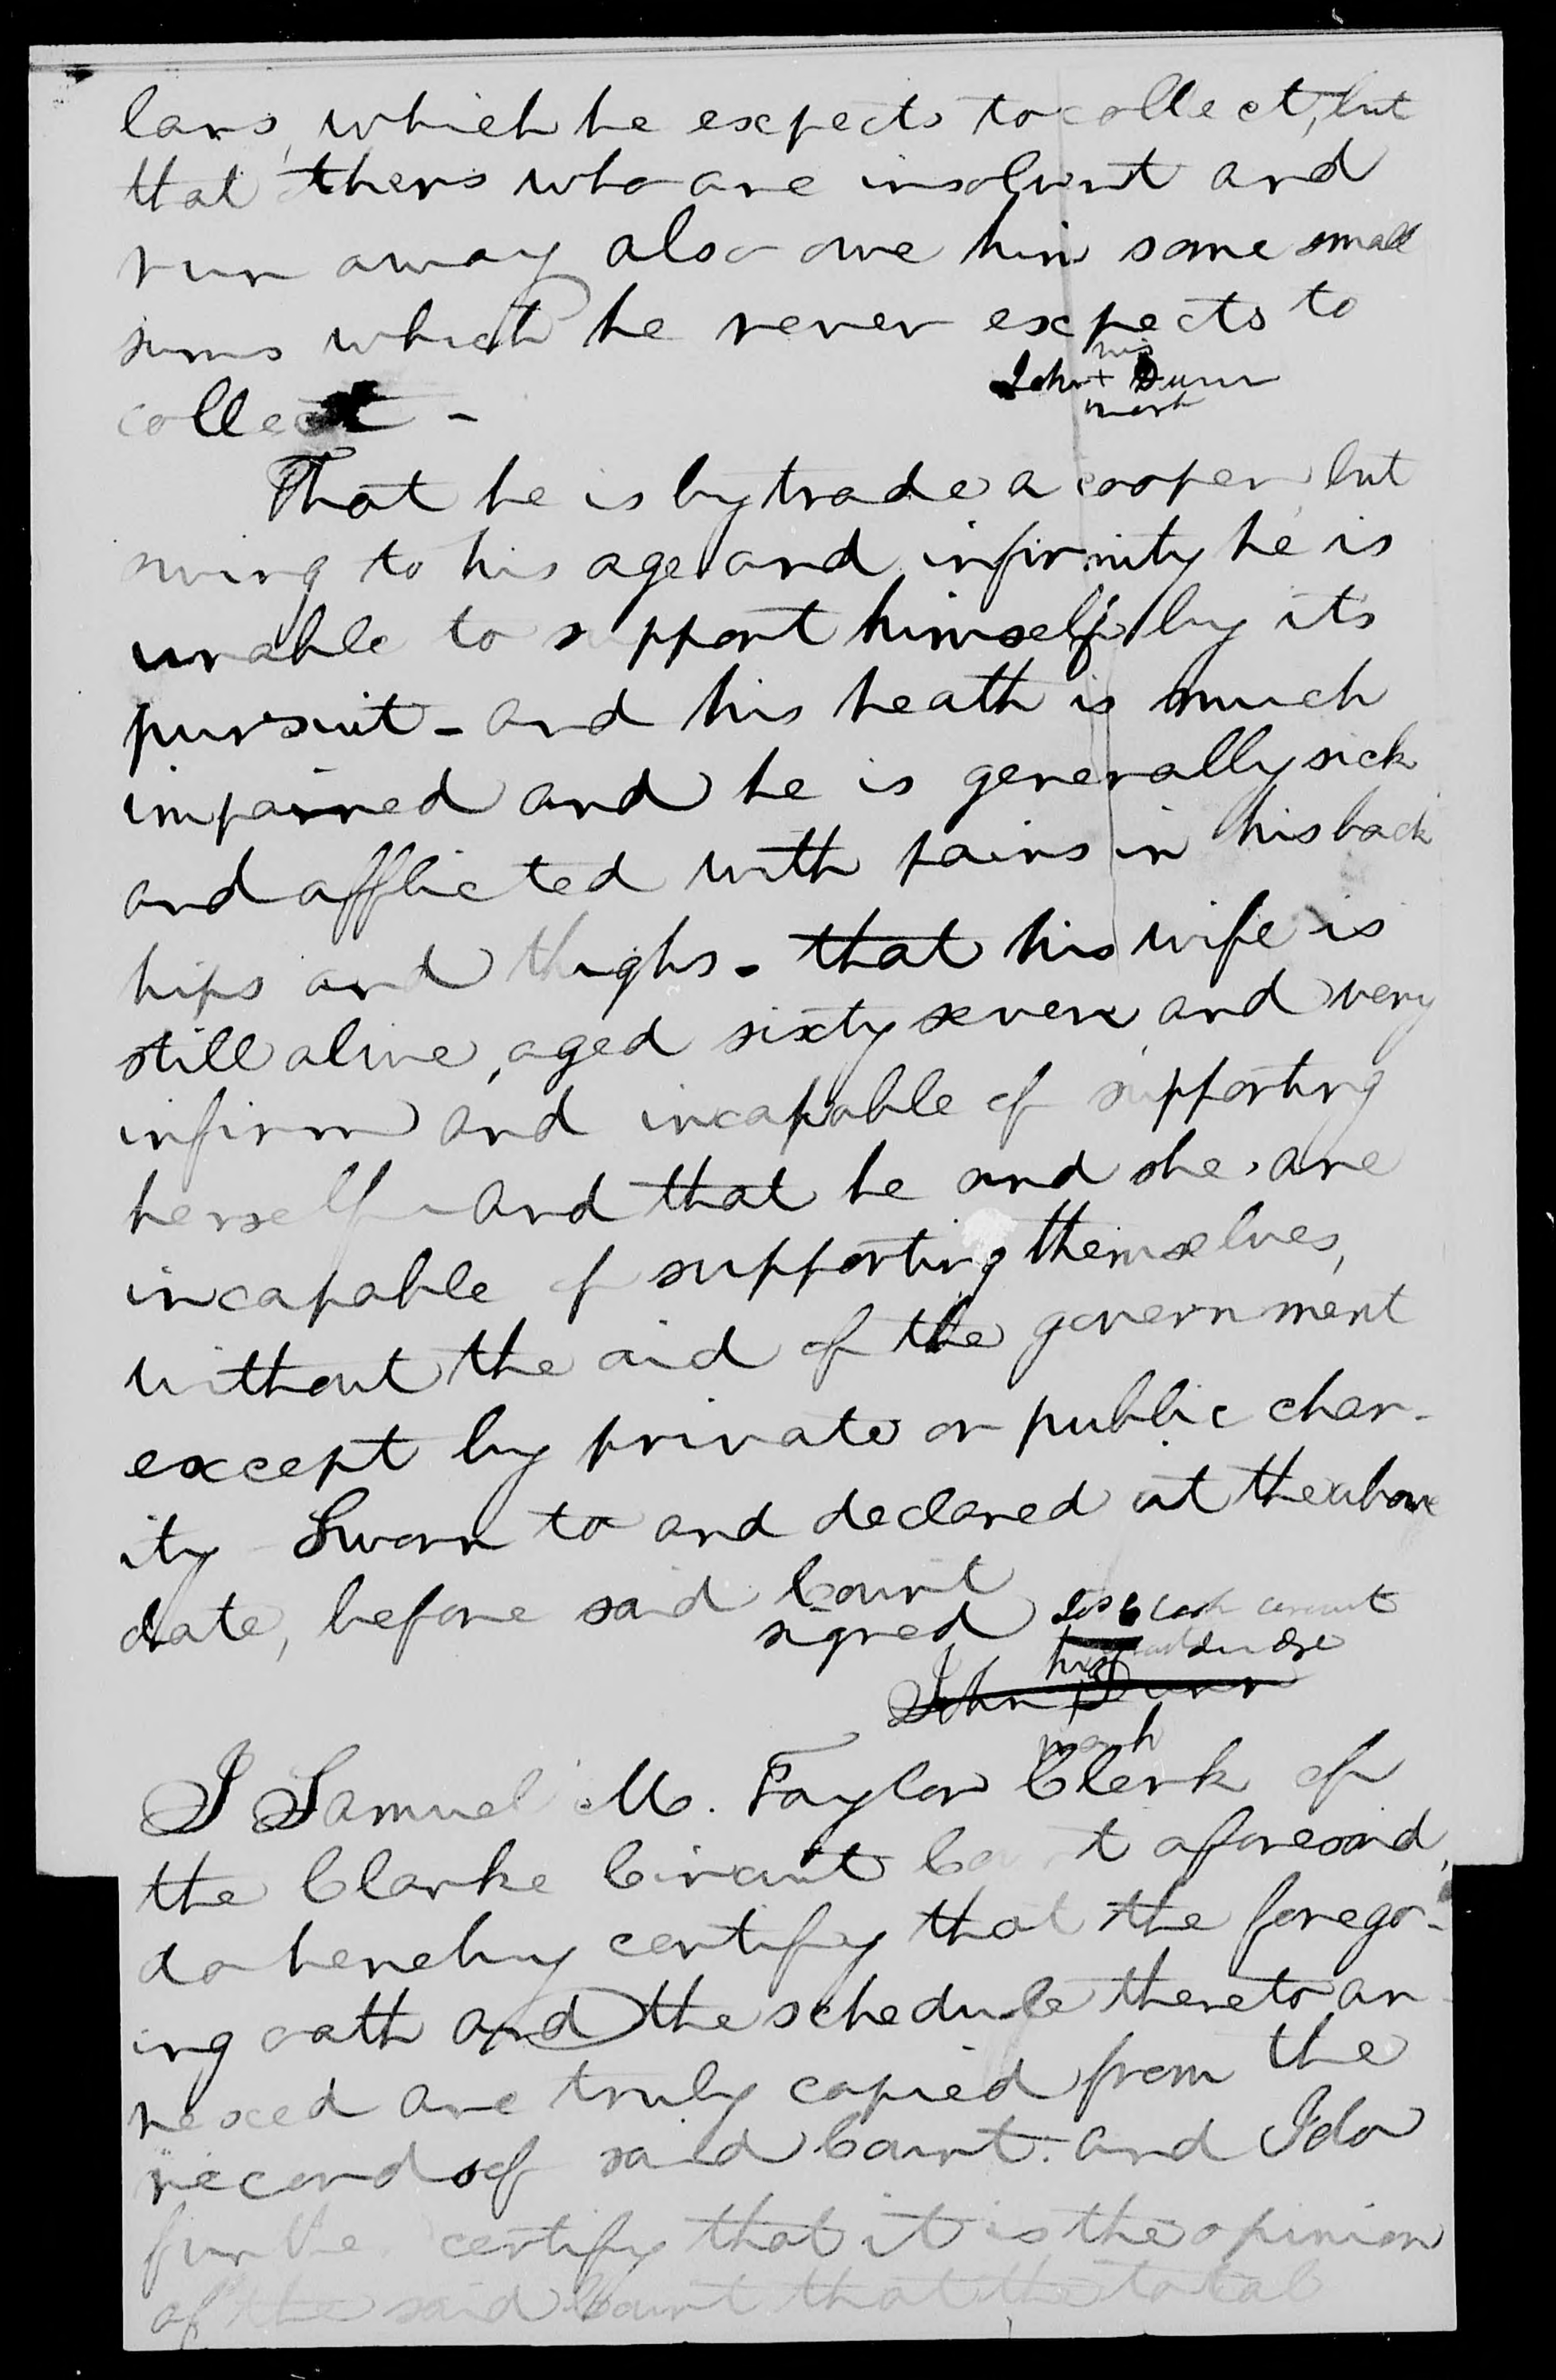lars which he expects to collect, but that thems who are insolvant and run away also owe him some small sums which he never expects to collect - 
John Dunn [his mark] X

That he is by trade a cooper but owing to his age and infirmity he is unable to support himself by its pursuit - and his health is much 
impaired and he is generally sick and afflicted with pains in his back hips and thighs - that his wife is still alive, aged sixty seven and very infirm and incapable of supporting herself and that he and she are incapable of supporting themselves, without the aid of the government except by private or public charity -  
Sworn to and declared at the above date, before said court
signed Jos Clarke Circuit 
dridge
[his mark] X
[crossed out: John Dunn] 

I Samuel M. Taylor Clerk of the Clarke Circuit  
court aforesaid do hereby certify that the foregoing oath and the schedule thereto annexed are truly copied from the records of said Court and I do further certify that it is the opinion of the said Court that the total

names: Samuel M Taylor, John Dunn, John Dunn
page: 18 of 23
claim: survivor's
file: S 35903, John Dunn, Va.